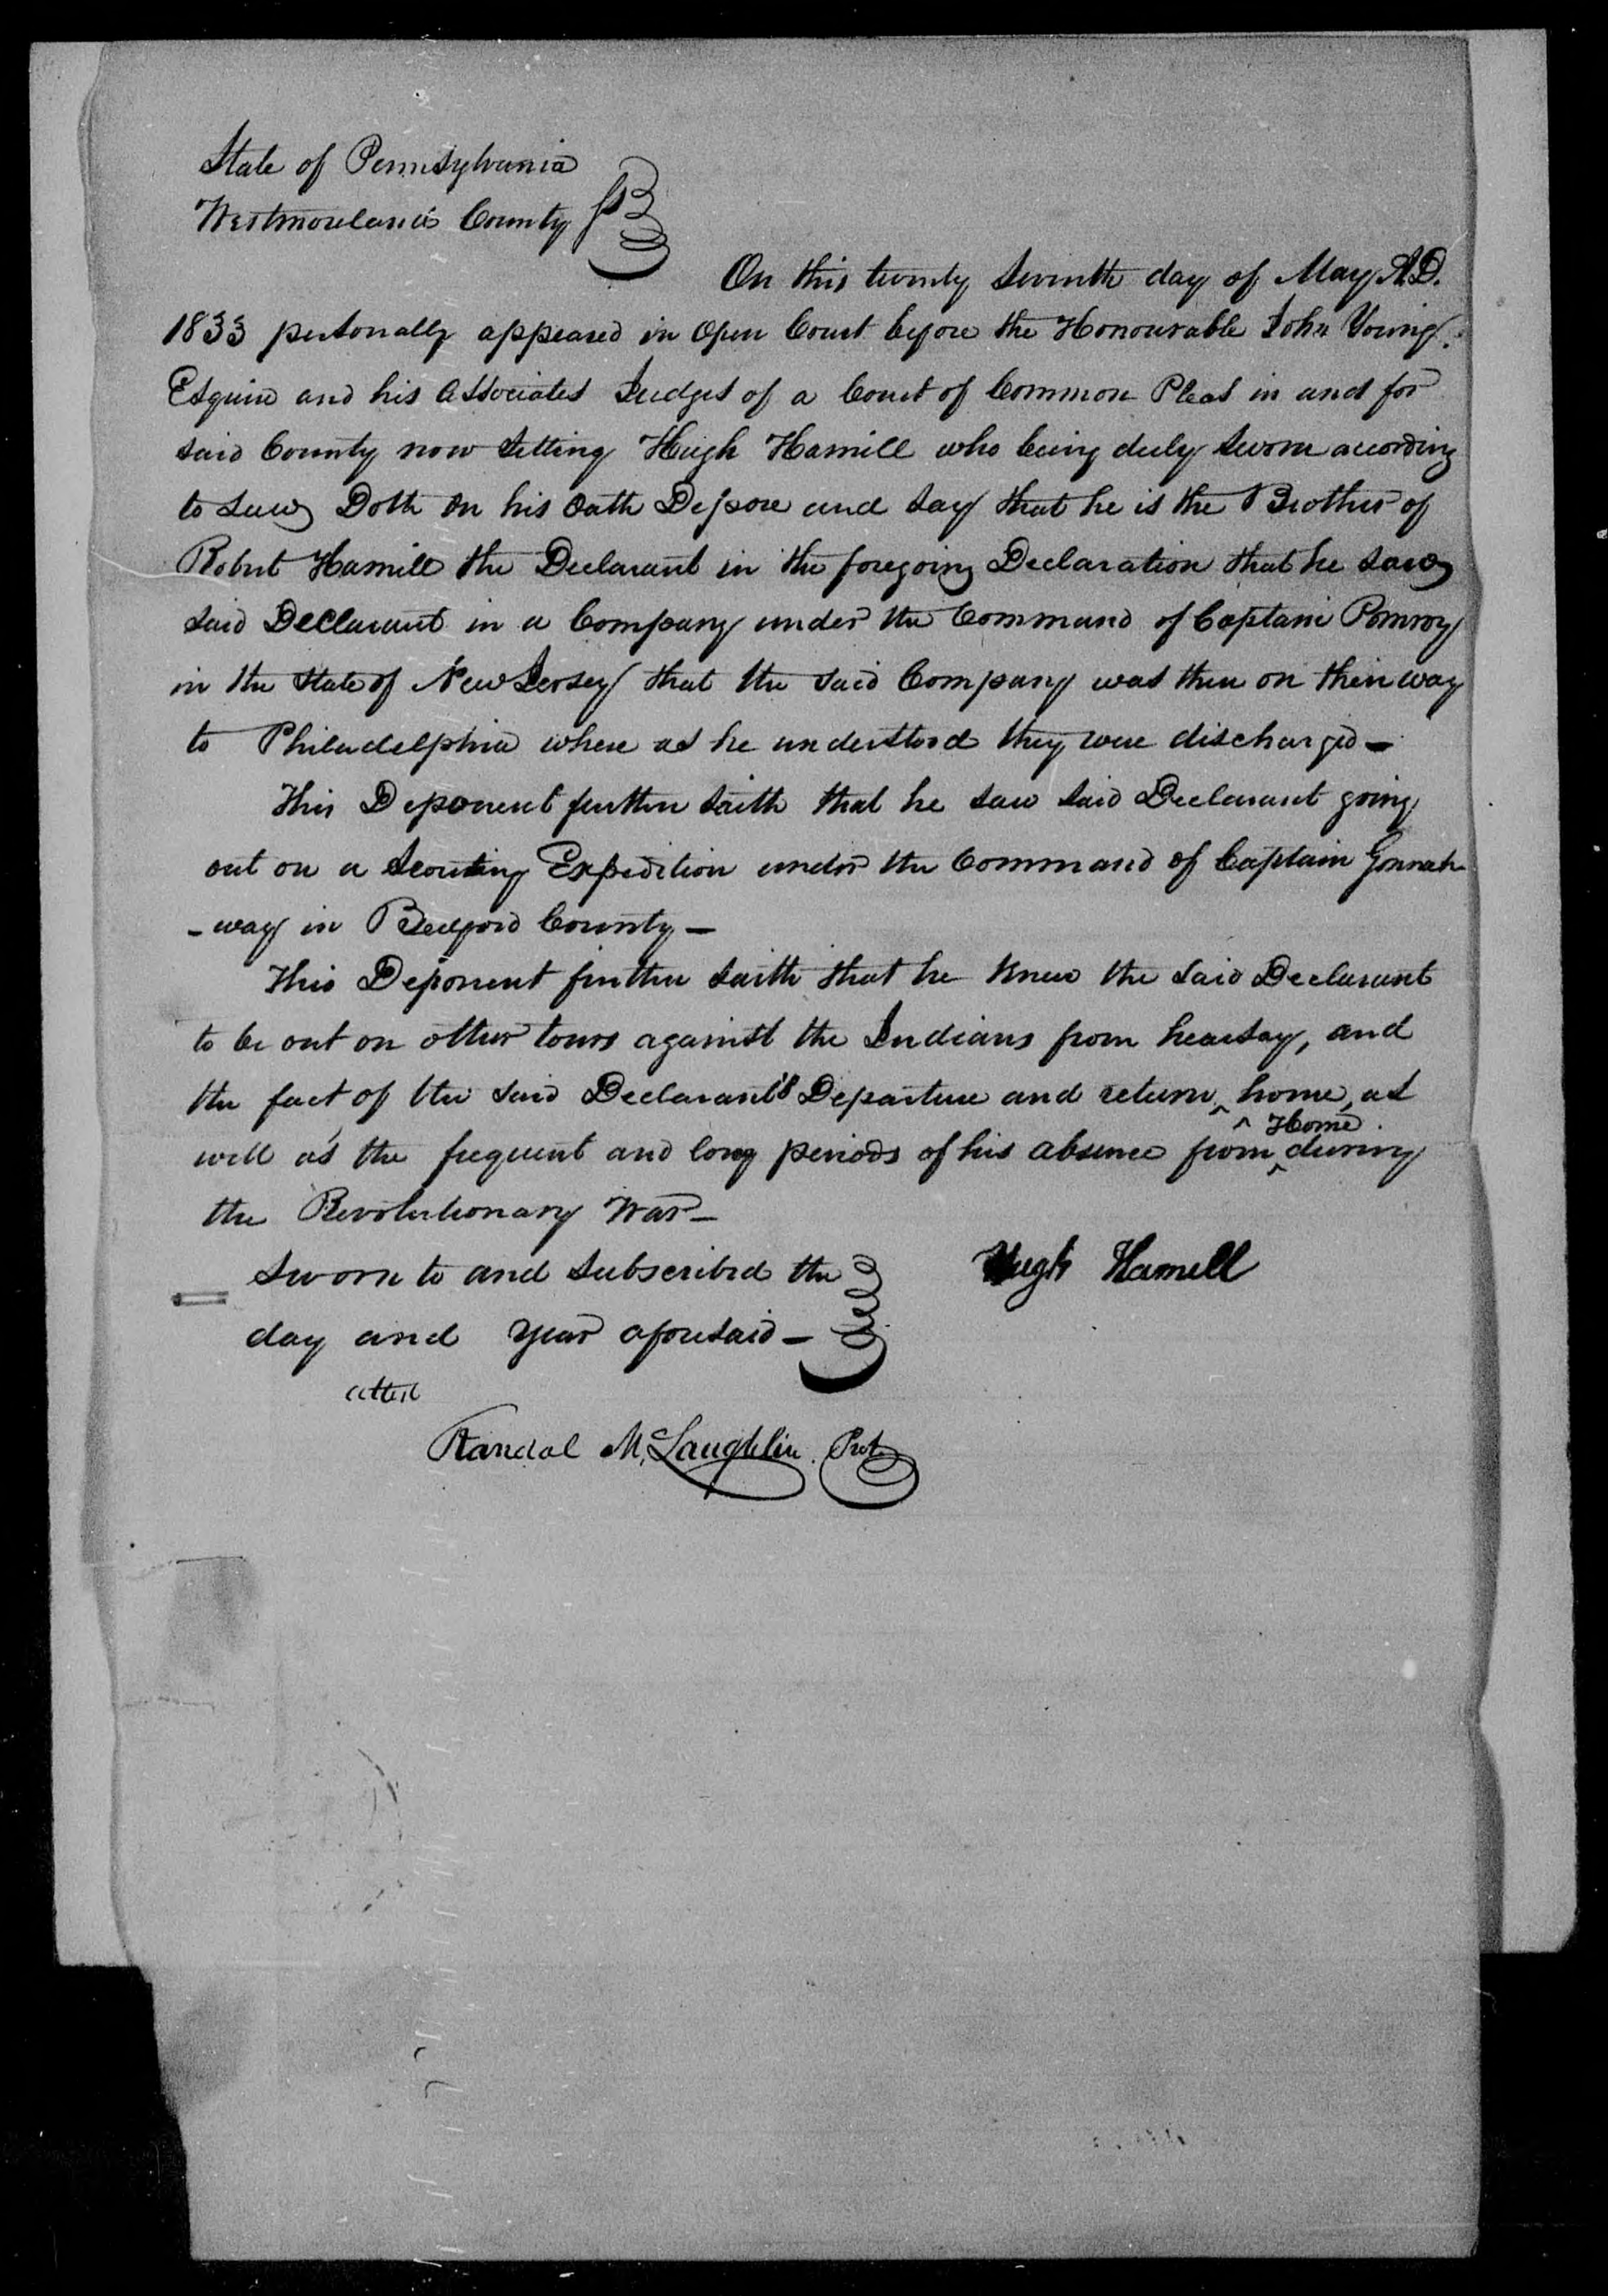State of Pennsylvania
Westmoreland County ss
 On this twenty seventh day of May A.D. 1833 personally appeared in open Court before the Honourable John Young Esquire and his associated Judges of a Court of Common Pleas in and for said County now sitting Hugh Hamill who being duly sworn according to law doth on his oath depose and say that he is the Brother of Robert Hamill the Declarant in the foregoing Declaration that he saw said Declarant in a company under the command of Captain Pomroy in the State of New Jersey that the said Company was then on their way to Philadelphia where as he understood they were discharged -
This Deponent further saith that he saw said Declarant going out on a scouting expedition under the command of Captain Gonnahway
in Bedford County -
This Deponent further saith that he knew the said Declarant
to be out on other tours against the Indians from hearsay, and
the fact of the said Declarant's departure and return home, as
well as the frequent and long periods of his absence from home during
the Revolutionary War -
Sworn to and subscribed the                       Hugh Hamill
day and year aforesaid -
attest
Randal M. Laughlin Prot.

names: Randal Mc Laughlin, Hugh Hamell, Robert Hamill, Hugh Hamill, John Young, Pomroy, Gonrahway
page: 82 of 92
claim: widow's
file: W 1173, Robert Hamill, Penn.